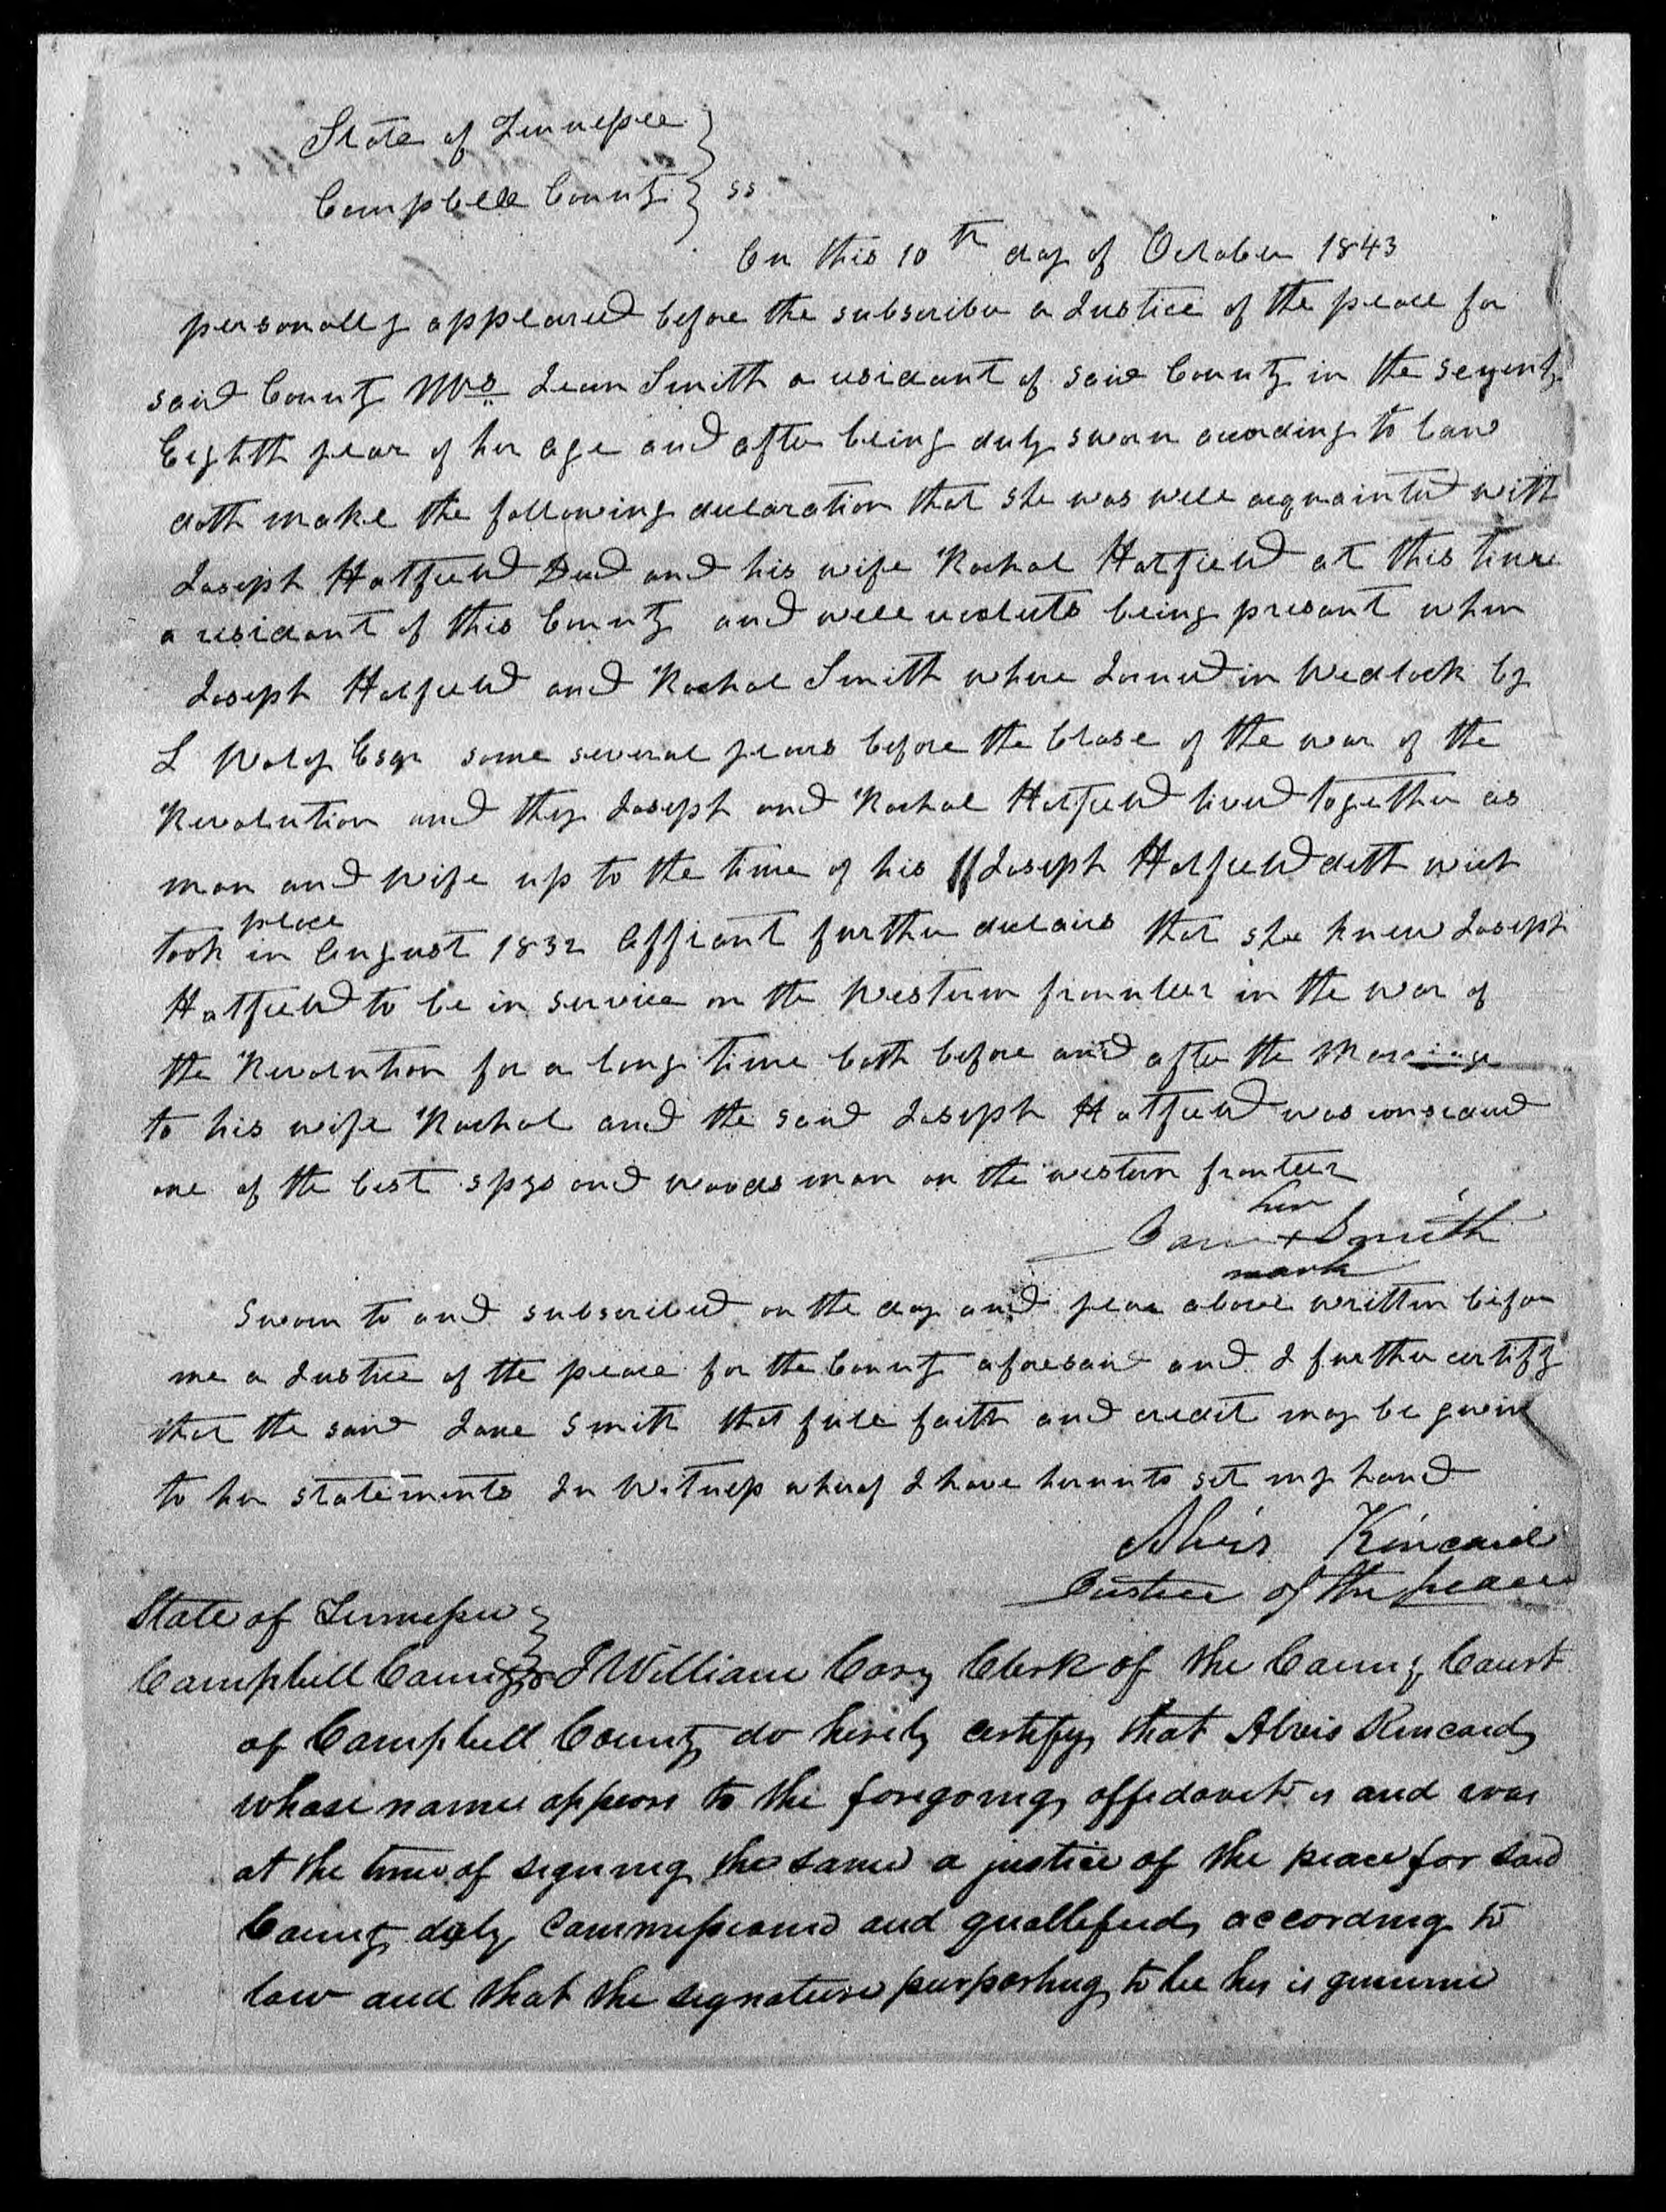State of Tennessee}
Campbell County} SS.
On this 10th day of October 1843
personally appeared before the subscriber a Justice of the Peace for said County Mrs. Jane Smith a resident of said County in the seventy Eighth year of her age and after being duly sworn according to law doth make the following declaration that she was well acquainted with Joseph Hatfield Decd and his wife Rachel Hatfield at this time a resident of this County and well astute being present when Joseph Hatfield and Rachel Smith when joined in Wedlock by L Wolf Esqr some several years before the close of the war of the Revolution and they Joseph and Rachel Hatfield bond together as man and Wife up to the time of his ((Joseph Hatfield death wich took place in August 1832 Affiant further declairs that she knew Joseph Hatfield to be in service in the Western frontier in the War of the Revolution for a long time both before and after the Marriage to his wife Rachel and the said Joseph Hatfield was considered one of the best spys and Woodsman in the western frontier
Jane Smith x her mark
Sworn to and subscribed on the day and year above written before me a Justice of the Peace for the County aforesaid and I further certify that the said Jane Smith that full faith and credit may be given to her statements In Witness whereof I have hereunto set my hand
Alvis Kincaid
Justice of the Peace
State of Tennessee}
Campbell County} I William Cory Clerk of the County Court of Campbell County do hereby certify that Alvis Kincaid whose name appears to the foregoing affidavit is and was at the time of signing the same a justice of the peace for said County duly Commissioned and qualified, according to law and that the signature purporting to be his is genuine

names: Alvis Kincaid, Joseph Hatfield, Jane Smith, Rachal Hatfield, William Cary, Rachal Hatfield, Joseph Hatfield, Joseph Hatfield, Alvis Kincaid, Joseph Hatfield, Jean Smith, Jane Smith, Joseph Hatfield, Joseph Hatfield, Rachal, Rachal Smith, L Wolez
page: 64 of 74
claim: widow's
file: W. 5, Joseph Hatfield, Va.